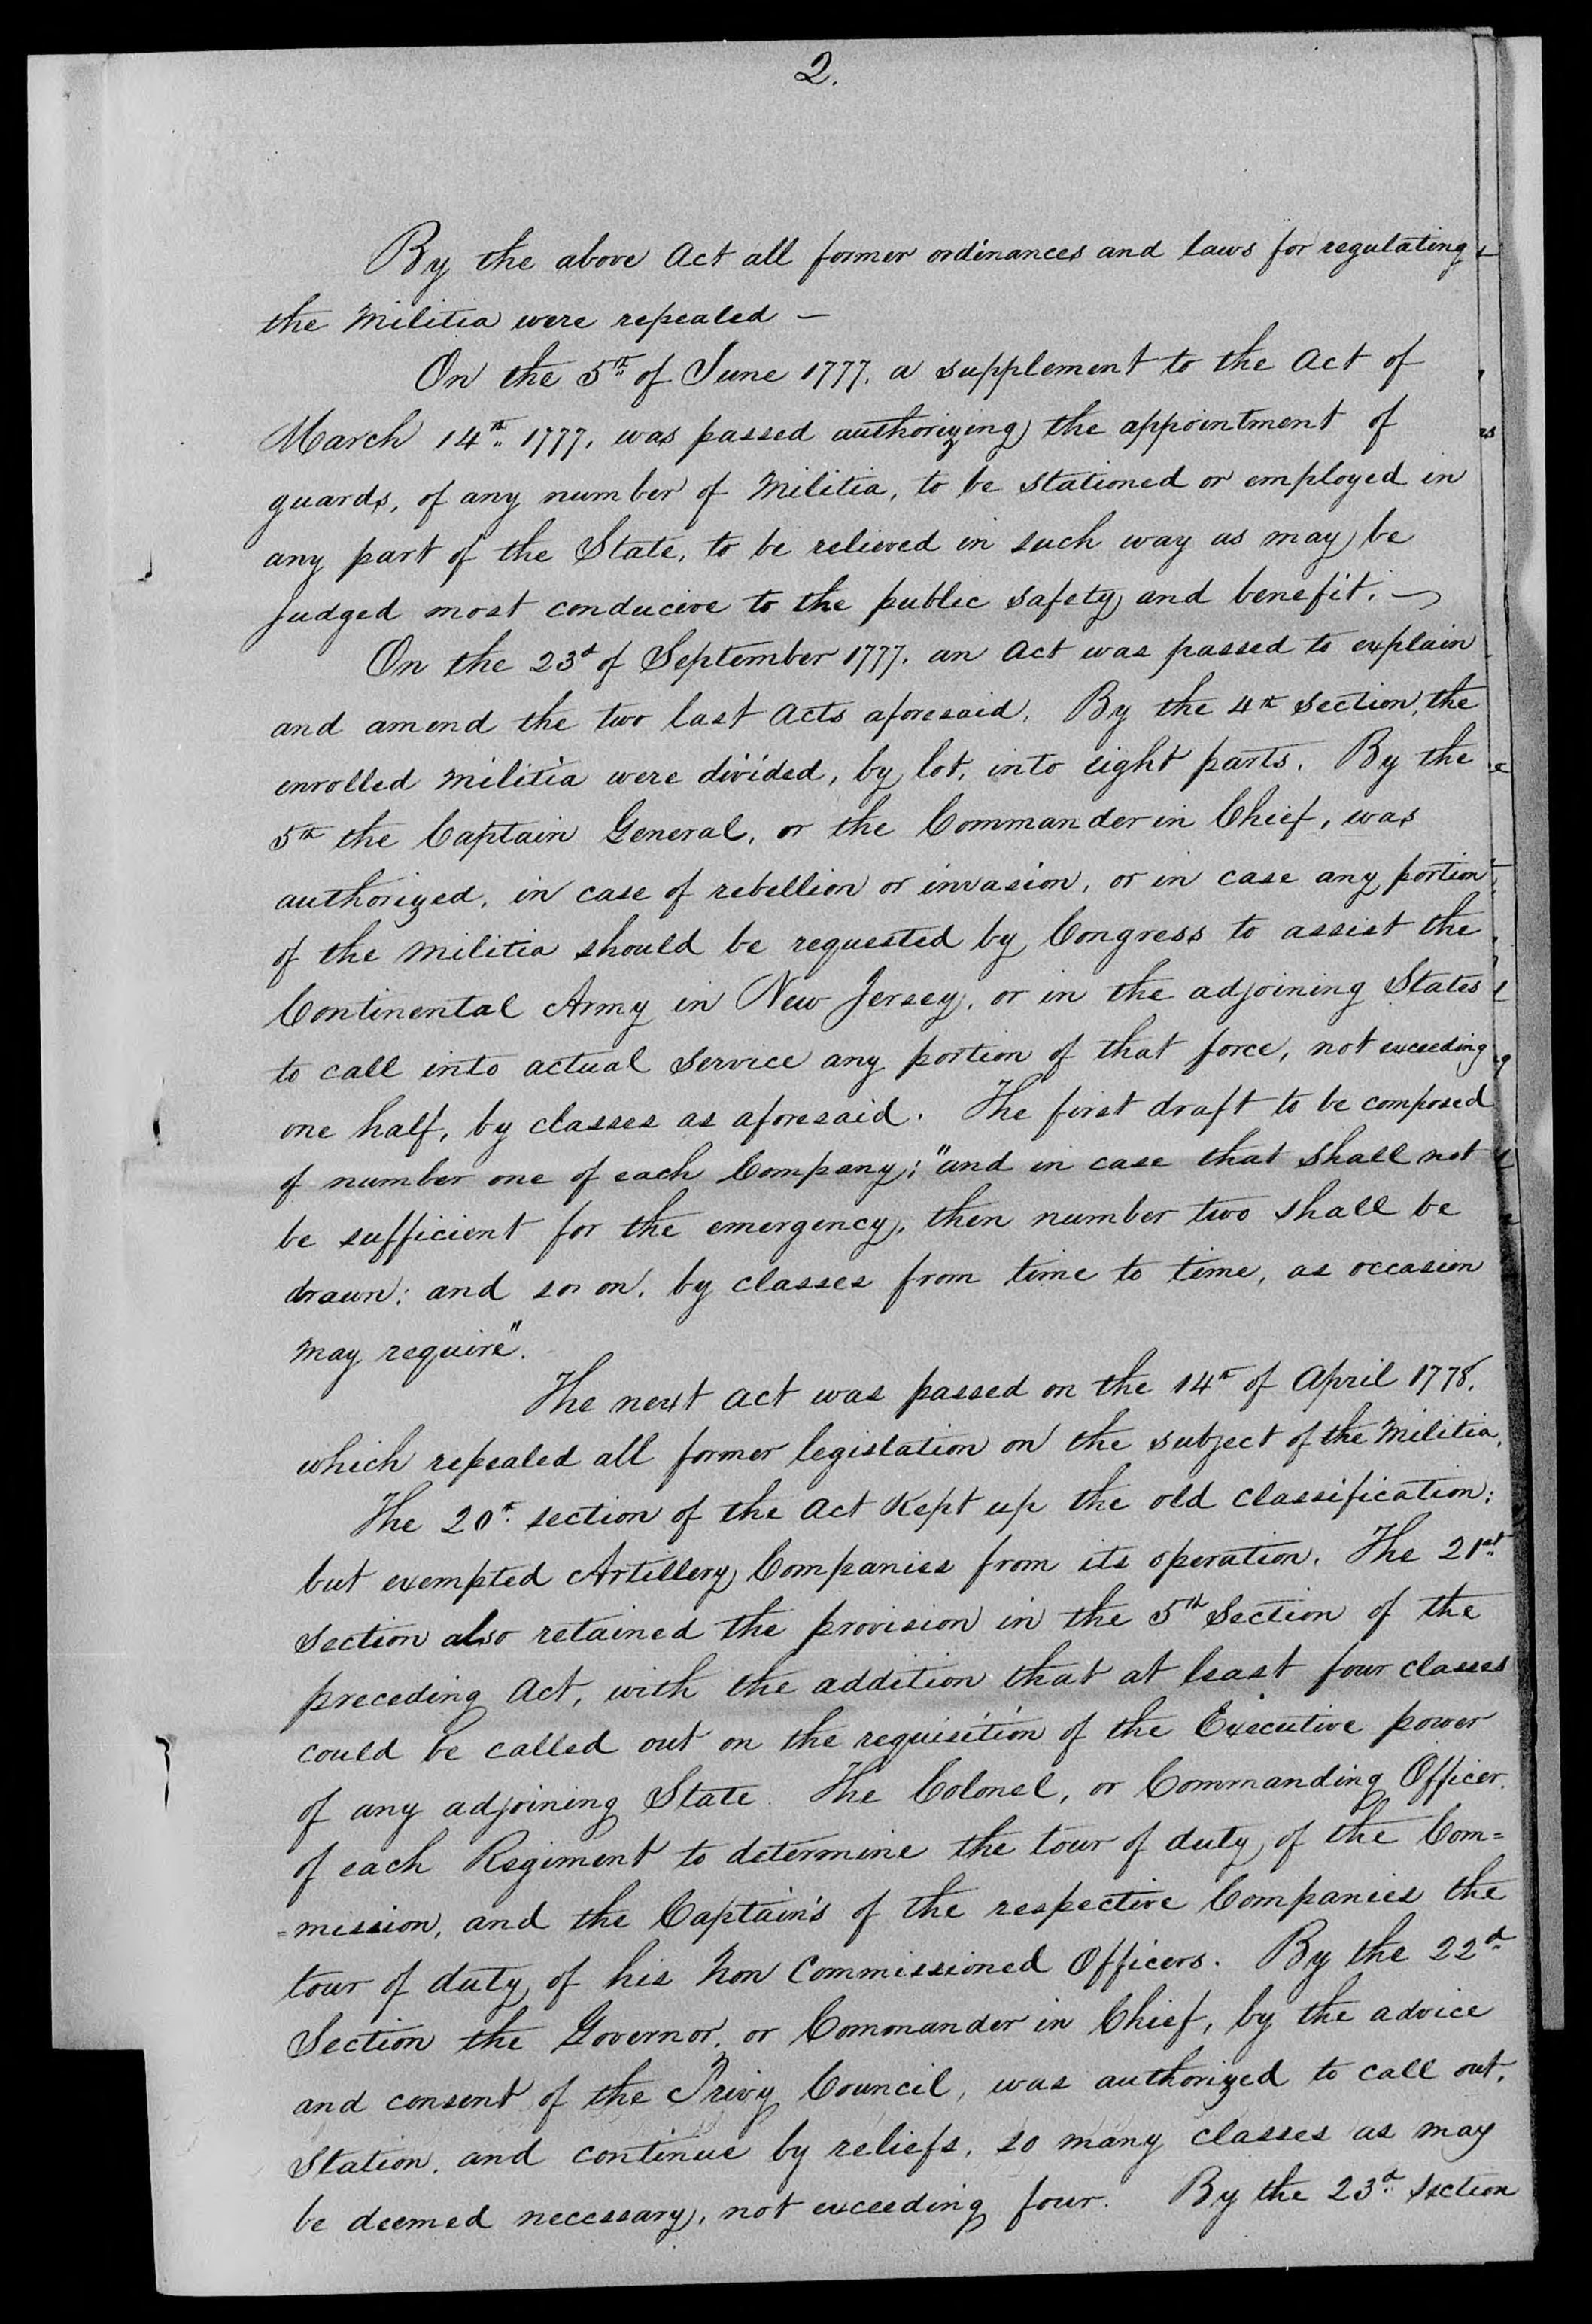...2.

By the above act, all former ordinances and laws for regulating the militia were repealed.

On the 5th of June 1777, a supplement to the act of March 14th 1777 was passed authorizing the appointment of guards, of any number of militia, to be stationed or employed in any part of the State, to be relieved in such way as may be judged most conducive to the public safety and benefit.

On the 23rd of September 1777, an act was passed to explain and amend the two last acts aforesaid. By the 4th section, the enrolled militia were divided by lot into eight parts. By the 5th (section) the Captain General or the Commander-in-Chief was authorized in case of rebellion or invasion, or in case any portion of the militia should be requested by Congress to assist the Continental Army in New Jersey, or in the adjoining States, to call into actual service any portion of that force, not exceeding one half, by classes as aforesaid. The first draft to be composed of number one of each company; "and in case that shall not be sufficient for the emergency then number two shall be drawn, and so on, by classes from time-to-time, as occasion may require."

The next act was passed on the 14th of April 1778, which repealed all former legislation on the subject of the militia. The 20th section of the act kept up the old classification; but exempted Artillery Companies from its operation. The 21st section also retained the provision in the 5th section of the
preceding act, with the addition that at least four claims could be called out on the requisition of the executive power of any adjoining State The Colonel or Commanding Officer of each regiment to determine the tour of duty of the Commission and the Captains of the respective companies the tour-of-duty of his non-commissioned officers. By the 22nd section, the Governor or Commander-in-Chief, by the advice and consent of the Privy Council, was authorized to call out station, and continue by reliefs, so many classes as may be deemed necessary, not exceeding four. By the 23rd section...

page: 29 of 95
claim: survivor's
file: S 2889, for Levi Mundy, New Jersey